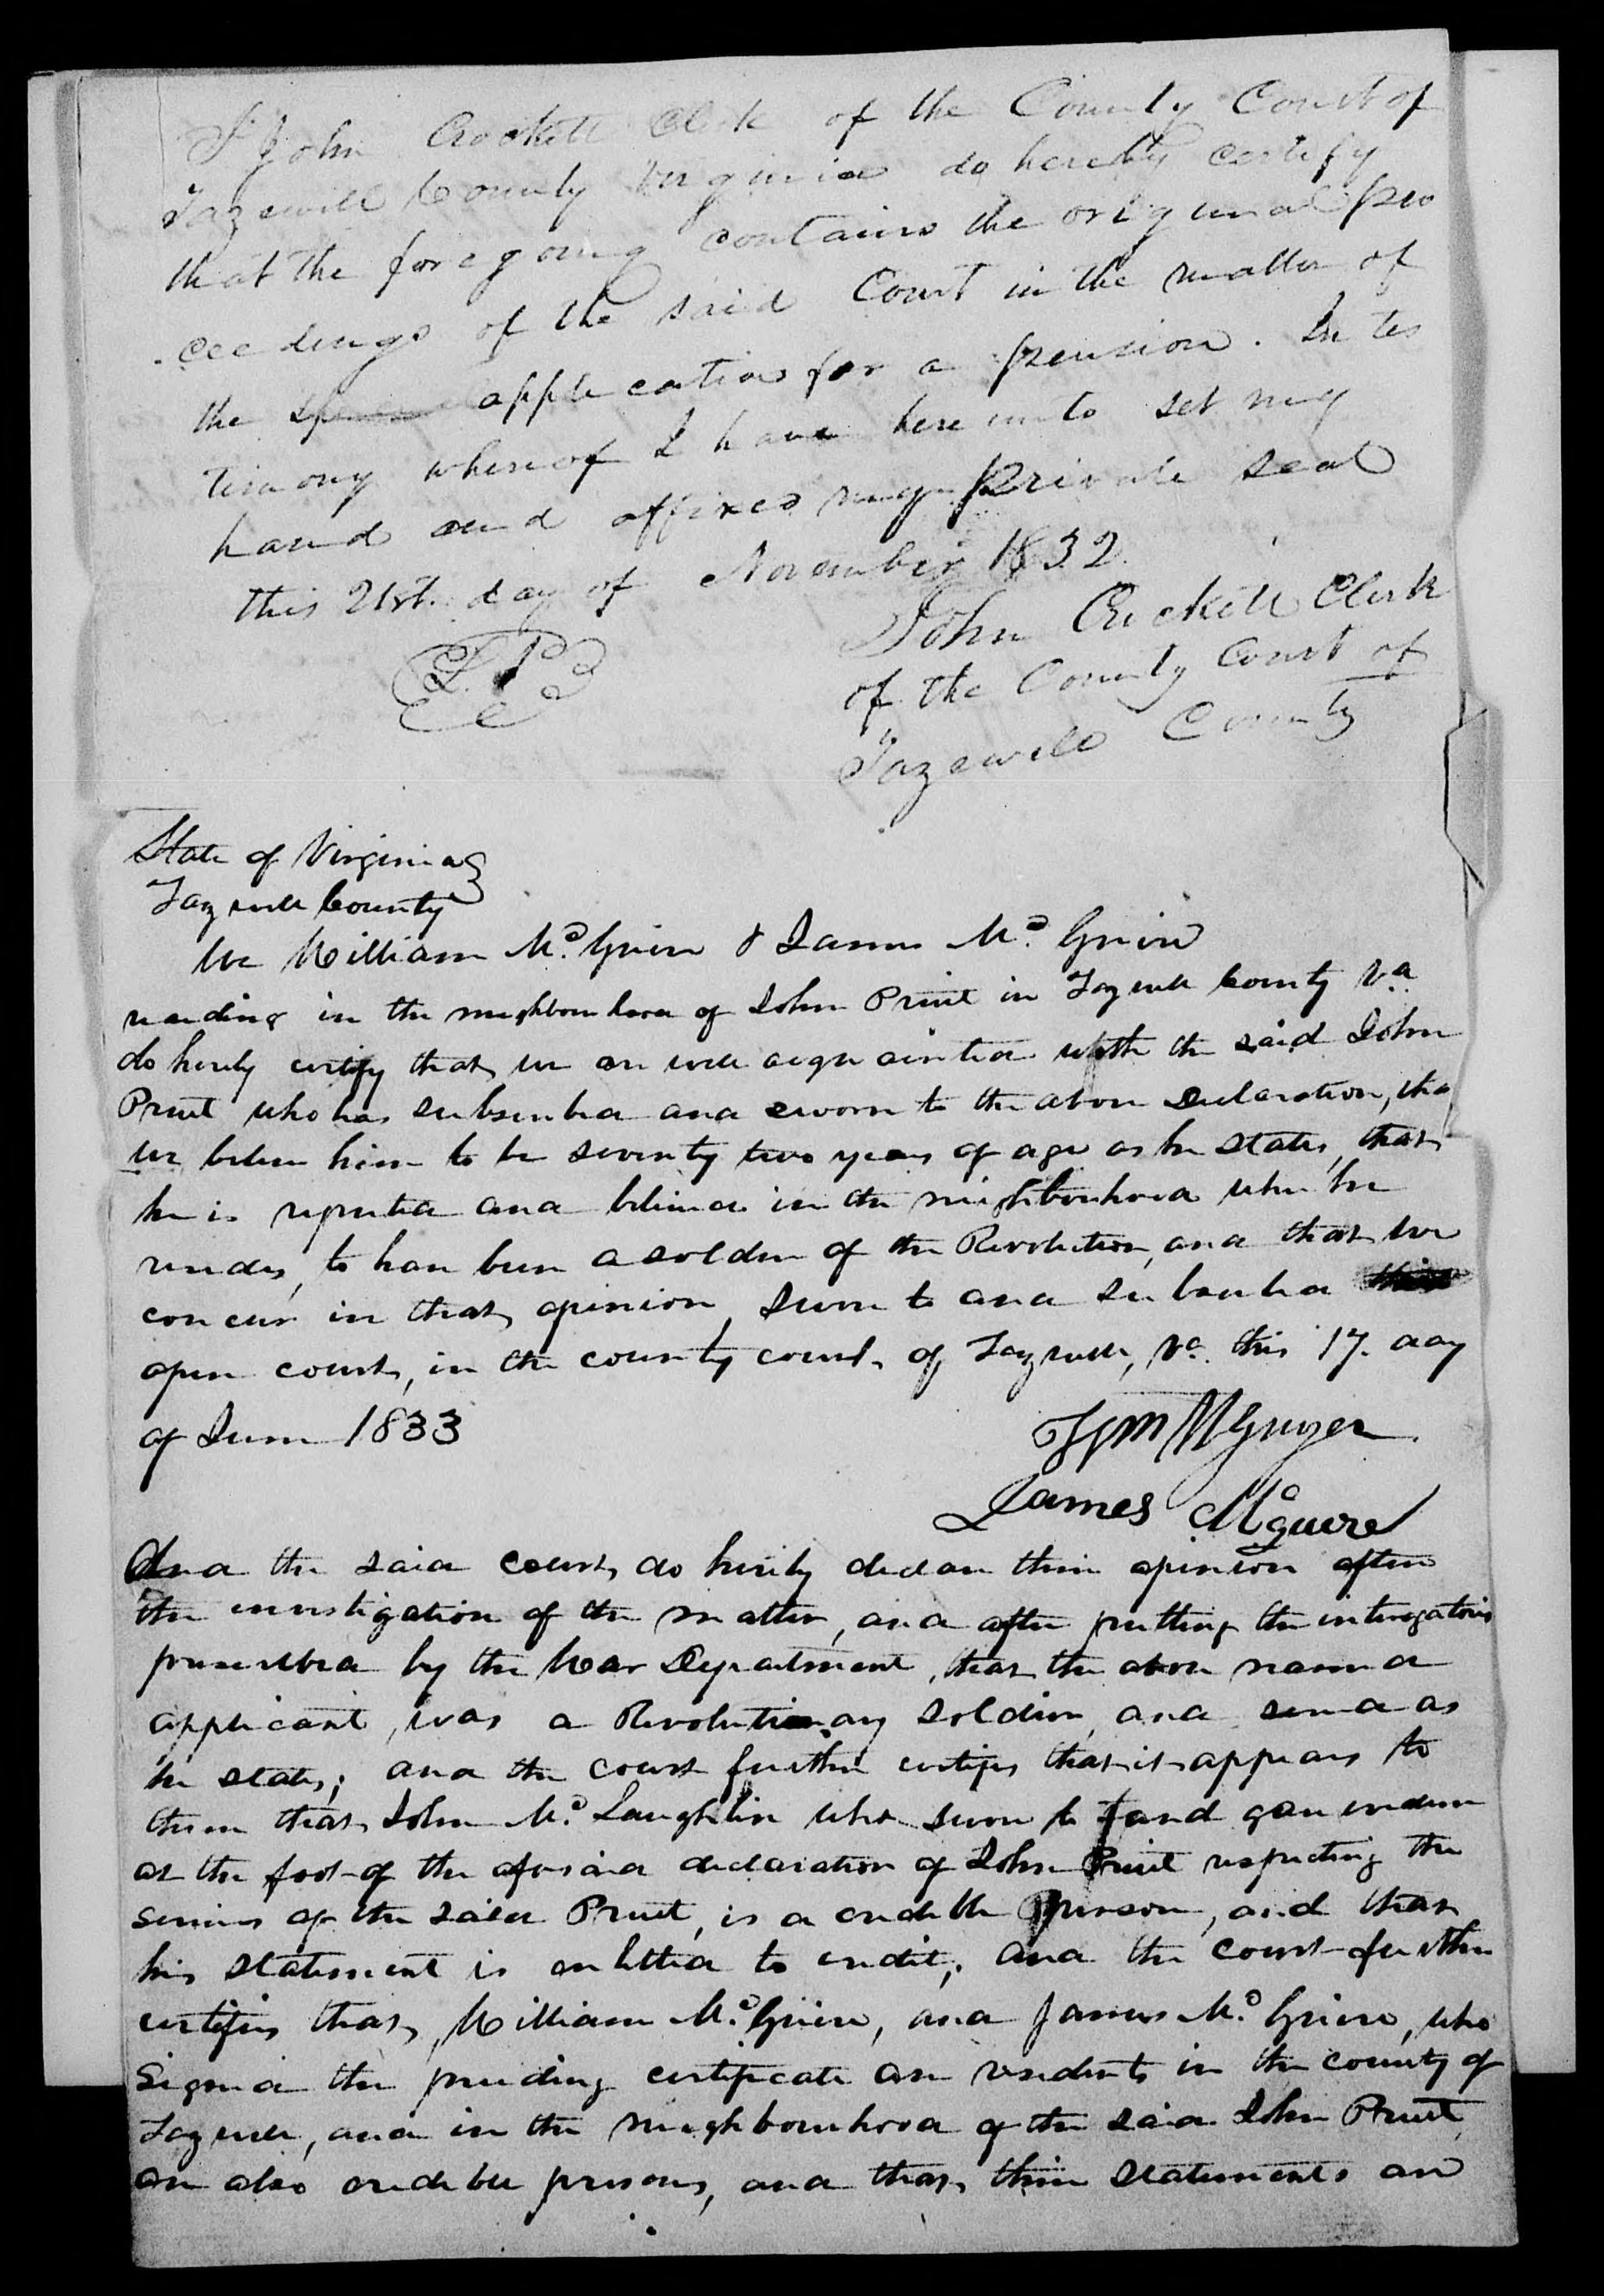I John Crockett Clerk of the County Court of Tazewell County Virginia do hereby certify that the foregoing contains the original proceedings of the said Court in the matter of the application for a pension. In testimony whereof I have hereunto set my hand and affixed my private seal this 21st day of November 1832.
{S.S.} John Crockett Clerk of the County Court of Tazewell County

State of Virginia
Tazewell County
We William McGuire & James McGuire residing in the neighborhood of John Pruitt in Tazewell County Va. do hereby certify that we are well acquainted with the said John Pruitt who has subscribed and sworn to the above declaration, that we believe him to be seventy two years of age as he states, that he is reputed and believed in the neighborhood where he resides, to have been a soldier of the Revolution, and that we concur in that opinion sworn to and subscribed in open court, in the county court of Tazewell, Va. this 17 day of June 1833
Wm McGuire
James McGuire

And the said court, do hereby declare their opinion after the investigation of the matter, and after putting the interrogatories prescribed by the War Department, that the above named Applicant, was a Revolutionary Soldier and served as he states; and the Court further certifies that it appears to them that John McLaughlin who swore to and gave under at the foot of the aforesaid declaration of John Pruitt reporting the services of the said Pruitt, is a credible Person, and that his statement is entitled to credit, and the court further certifies that William McGuire, and James McGuire, who signed the preceding certificate are residents in the county of Tazewell, and in the neighborhood of the said John Pruitt, are also credible persons, and that their statement on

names: John Crockett; William Mc Guire; Wm M Greger; John Pruet; James Mc Guire; John Pruit; John Mc Laughlin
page: 9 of 35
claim: survivor's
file: S. 30,665, for John Prewett, Virginia